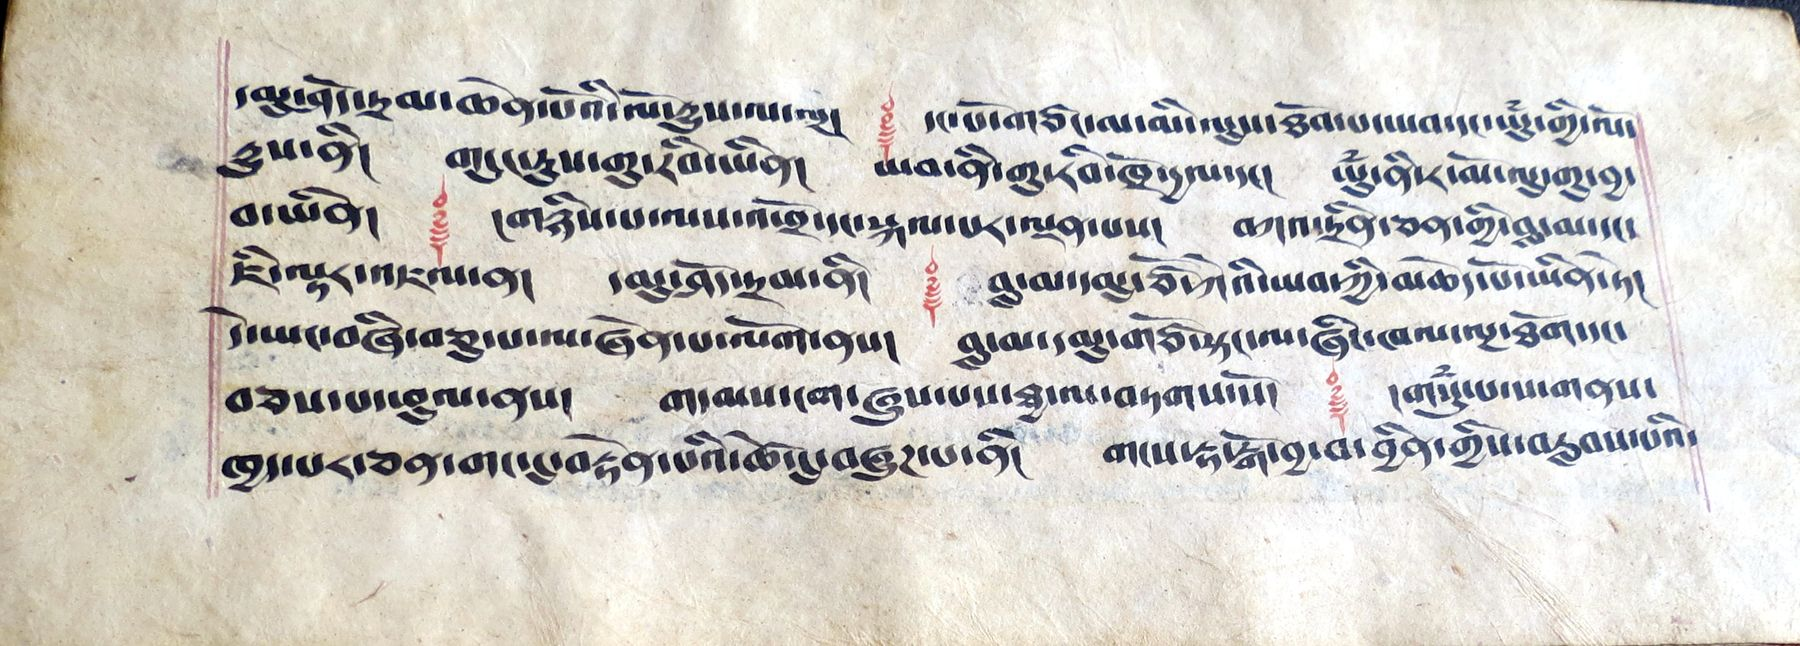དམུ་ཤོད་ཏྲམ་ཆེན་པོའི་ལོ་རྒྱུས་ལ་ལྔ། དང་པོ་གཙང་མ་མི་ལུས་ཐོབ་པ་ཡབ་དང་ཡུམ་གྱི་ལོ་
རྒྱུས་ནི། གདུང་རུས་གུ་རིབ་ཡིན་ཏེ། ཡབ་ནི་གུ་རིབ་ཁྲོ་རྒྱལ་དང་། ཡུམ་ནི་ར་མོ་ལུ་གུ་བྱ་
བ་ཡིན། གཉིས་པ་ལས་འཕྲོ་དང་སྐལ་པར་ལྡན་པས། བཀའ་དྲིན་ཅན་གྱི་བླ་མ་དང་
ཇི་ལྟར་མཇལ་ན། དམུ་ཤོད་ཏྲམ་ནི། བླ་མ་དམུ་ཙོག་གེའི་ཡབ་ཀྱི་མཆེད་པོ་ཡིན་ཏེ། 
དེ་ཡང་བཞི་བཅུ་པ་ལ་ཞེན་པ་ལོག་ནས། བླ་མ་དམུ་ཙོ་སྟངས་ལ་ཞིང་ཁལ་ལྔ་ཐོག་དང་
བཅས་པ་ཕུལ་ནས། གདམས་ངག་ཞུས་པས་ཐུགས་ལ་བཏགས་སོ། ། གསུམ་པ་ས་གནས་
ཁྱད་པར་ཅན་གང་དུ་བརྟེན་པའི་ཚེ་དུ་བཞུགས་པ་ནི། གངས་རྟ་སྒོ་བྱ་བ་བྱིན་གྱིས་བརླབས་པའི་